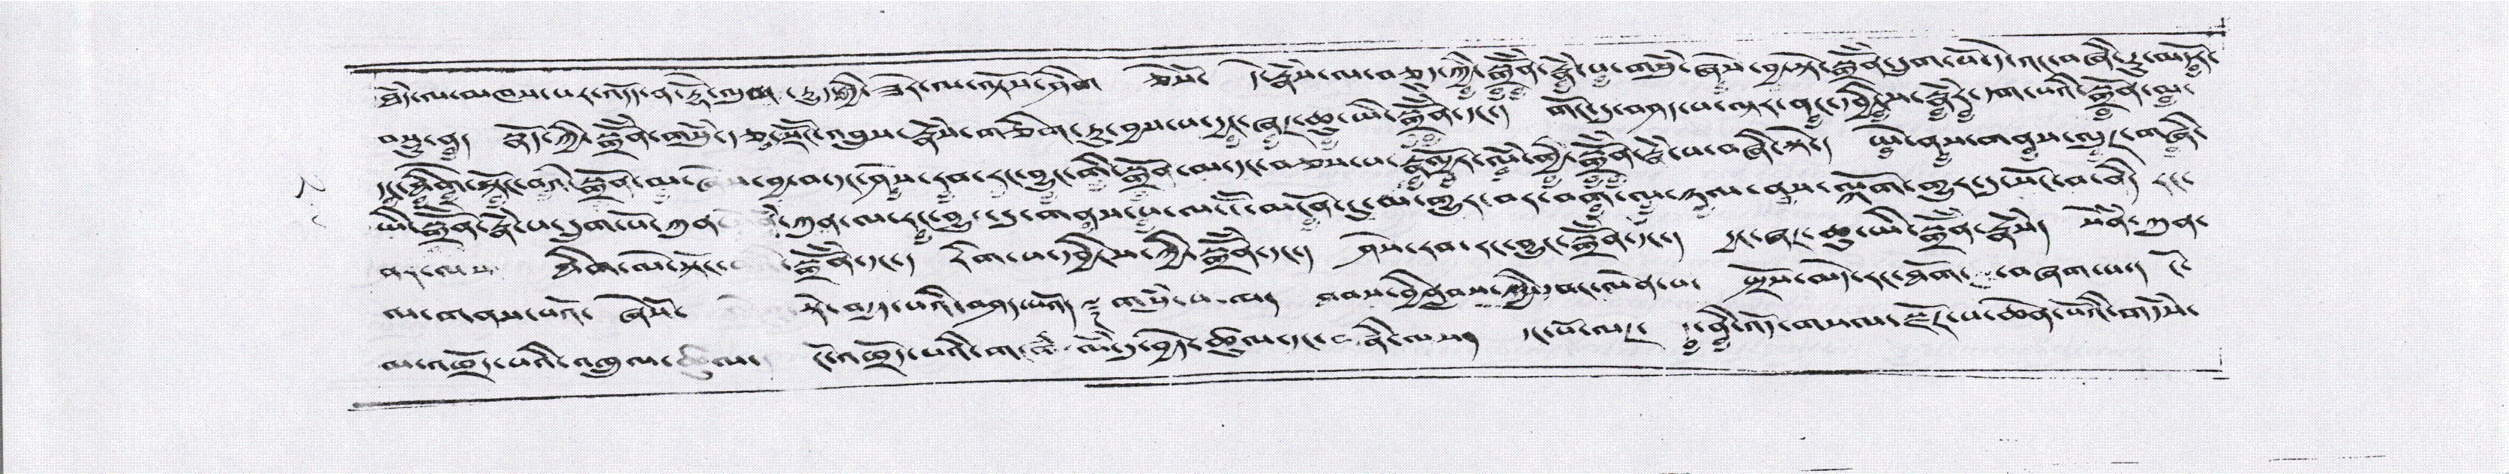ཐམས་ཅད་ལ་མཁས་པར་འདོད་ན་རྡོ་རྗེ་ལུག་རྒྱུད་ཀྱི་ཟེར་ལ་ལྟོས་ཤིག ཅེས་སོ། དེ་རྣམས་ལ་བཅུད་ཀྱི་སྒྲོན་མ་རྣམ་པ་གསུམ་ཞེས་བྱ་སྟེ་སྒྲོན་མ་དྲུག་པོ་དེའང་བཞི་རུ་མདོར་
བསྡུ་ན། སྣོད་ཀྱི་སྒྲོན་མ་གསུམ་རྩ་སྡོང་པོ་འབྲས་བུ་རྣམས་གཅིག་ཏུ་བྱས་པ་རྒྱང་ཞགས་ཆུ་ཡི་སྒྲོན་མ་དང་། གོང་དུ་བཤད་པ་ལྟར་ནང་དབྱིངས་རྣམ་པར་དག་པའི་སྒྲོན་མ་
དང་ཐིག་ལེ་སྟོང་པའི་སྒྲོན་མ་ཞེས་བྱ་བ་དང་ཤེས་རབ་རང་བྱུང་གི་སྒྲོན་མ་དང་བཅས་པ་རྣལ་འབྱོར་ལམ་གྱི་སྒྲོན་མ་རྣམ་པ་བཞི་སྟེ། ཡེ་ནས་གནས་ལུགས་གཞི་
ཡི་སྒྲོན་མ་རྣམ་པ་དྲུག་པོ་ཀུན་སེམས་ཅན་ཀུན་ལ་རང་བྱུང་དུ་གནས་པ་ངོ་བོ་མངོན་དུ་མ་གྱུར་བར་བག་ལ་ཉལ་ནས་ལྐོག་གྱུར་དུ་སོང་བ་ནི། རང་
ཤར་ལས། ཐིག་ལེ་སྟོང་པའི་སྒྲོན་མ་དང་། རིག་པ་དབྱིངས་ཀྱི་སྒྲོན་མ་དང་། ཤེས་རབ་རང་བྱུང་གི་སྒྲོན་མ་དང་། རྒྱང་ཞགས་ཆུ་ཡི་སྒྲོན་མ་རྣམས། སེམས་ཅན་ཀུན་
ལ་གནས་པའོ། ཞེས་སོ། ལེའུ་སྟེ་བརྒྱད་པའི་བཤད་པའོ།། །།༧ གསུམ་པ་ལ་ཐབས་བྱིན་རླབས་ཀྱི་དབང་ལེན་པ། སྤྲོས་མེད་རང་ཐོག་ཏུ་བཞག་པ། ངོ་
མ་འཕྲོད་པའི་འཁྲུལ་ཚུལ། ངོ་འཕྲོད་པའི་གང་གི་ལམ་དུ་བྱེད་ཚུལ་དང་བཞི་ལས། དང་པོ་ལ། ད་ནི་འོད་གསལ་རྫོགས་པ་ཆེན་པོའི་གདམས་